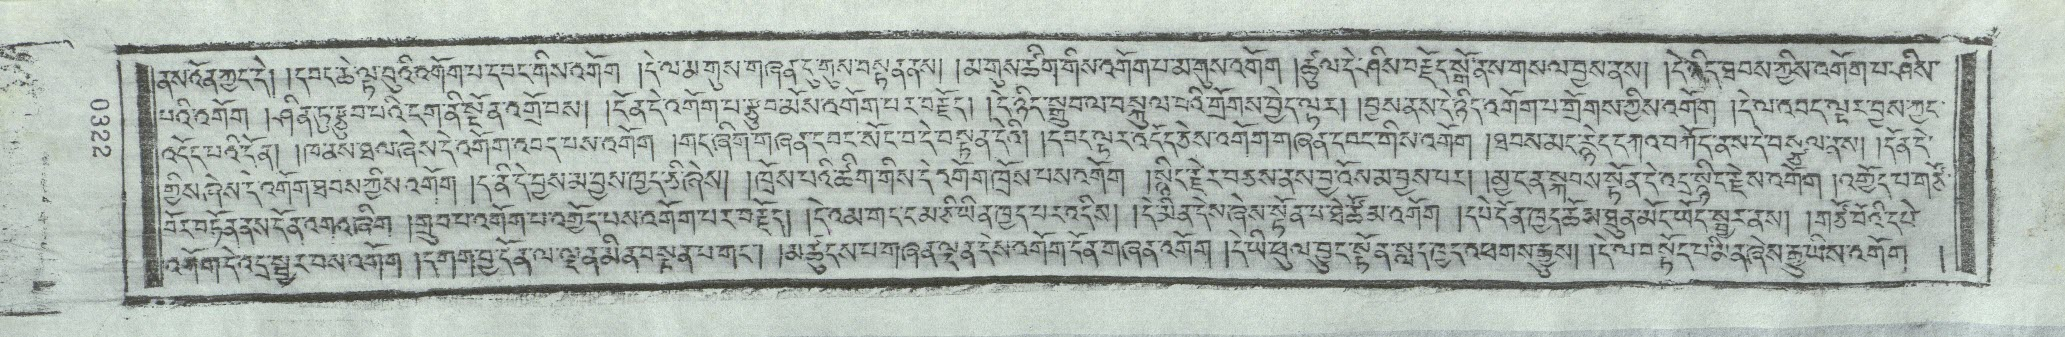ནས་འོན་ཀྱང་དེ། །དབང་ཆེ་ལྟ་བུའི་འགོག་པ་དབང་གིས་འགོག །དེ་ལམ་གུས་གཞན་དུ་གུས་བསྟན་ནས། །མགུས་ཚིག་གིས་འགོག་པ་མ་གུས་འགོག །ཚུལ་དེ་ཤིས་བརྗོད་སྒོ་ནས་གསལ་བྱས་ནས། །དེ་ཉིད་ཐབས་ཀྱིས་འགོག་པའི་ས?
པའི་འགོག །ཤིན་ཏུ་རྩུབ་པའི་དག་ནི་སྔོན་འགྲོ་བས། །དོན་དེ་འགོག་པ་རྩུབ་མོས་འགོག་པར་བརྗོད། །དེ་ཉིད་སྒྲུབ་ལ་བསྐུལ་བའི་གྲོགས་བྱེད་ལྟར། །བྱས་ནས་དེ་ཉིད་འགོག་པ་གྲོགས་ཀྱིས་འགོག །དེ་ལ་འབད་ལྟར་བྱས་ཀྱང་
འདོད་པའི་དོན། །ཁ་ནས་ཐལ་ཞེས་དེ་འགོག་འབད་པས་འགོག །གང་ཞིག་གཞན་དབང་སོང་བ་དེ་བསྟན་དེའི། །དབང་ལྟར་འདོད་ཅེས་འགོག་གཞན་དབང་གིས་འགོག །ཐབས་མང་རྙེད་བཀའ་བཀོད་ནས་དེ་བསྩལ་ནས། །དོན་དེ་
གྱིས་ཞེས་དེ་འགོག་ཐབས་ཀྱིས་འགོག །ད་ནི་དེ་བྱས་མ་བྱས་ཁྱད་ཅི་ཞེས། །ཁྲོས་པའི་ཚིག་གིས་དེ་འགོག་ཁྲོས་པས་འགོག །སྙིང་རྗེར་བཅས་ནས་བྱ་འོས་མ་བྱས་པར། །མྱ་ངན་སྐབས་སྟོན་དེ་འདྲ་སྙིང་རྗེས་འགོག །འགྱོད་པ་གཙོ་
བོར་བཏོན་ནས་དོན་འགའ་ཞིག །གྲུབ་པ་འགོག་པ་འགྱོད་པས་འགོག་པར་བརྗོད། །དེའམ་གང་ངམ་ཅི་ཡིན་ཁྱད་པར་འདིས། །དེ་མིན་དེས་ཞེས་སྟོན་པ་ཐེ་ཚོམ་འགོག །དཔེ་དོན་ཁྱད་ཆོས་ཐུན་མོང་ཡོང་སྦྱར་ནས། །གཙོ་བོའི་དཔེ་
འགོག་དེ་འདྲ་སྦྱར་བས་འགོག །དགག་བྱ་དོན་ལ་ལྡན་མིན་བསྟན་པ་གང་། །མཚུངས་པ་གཞན་ལྡན་དེས་འགོག་དོན་གཞན་འགོག །དེ་ཡི་ཕུལ་བྱུང་སྟོན་སླད་ཁྱད་འཕགས་རྒྱུས། །དེ་ལ་བསྟོང་པ་མིན་ཞེས་རྒྱུ་ཡིས་འགོག་?།